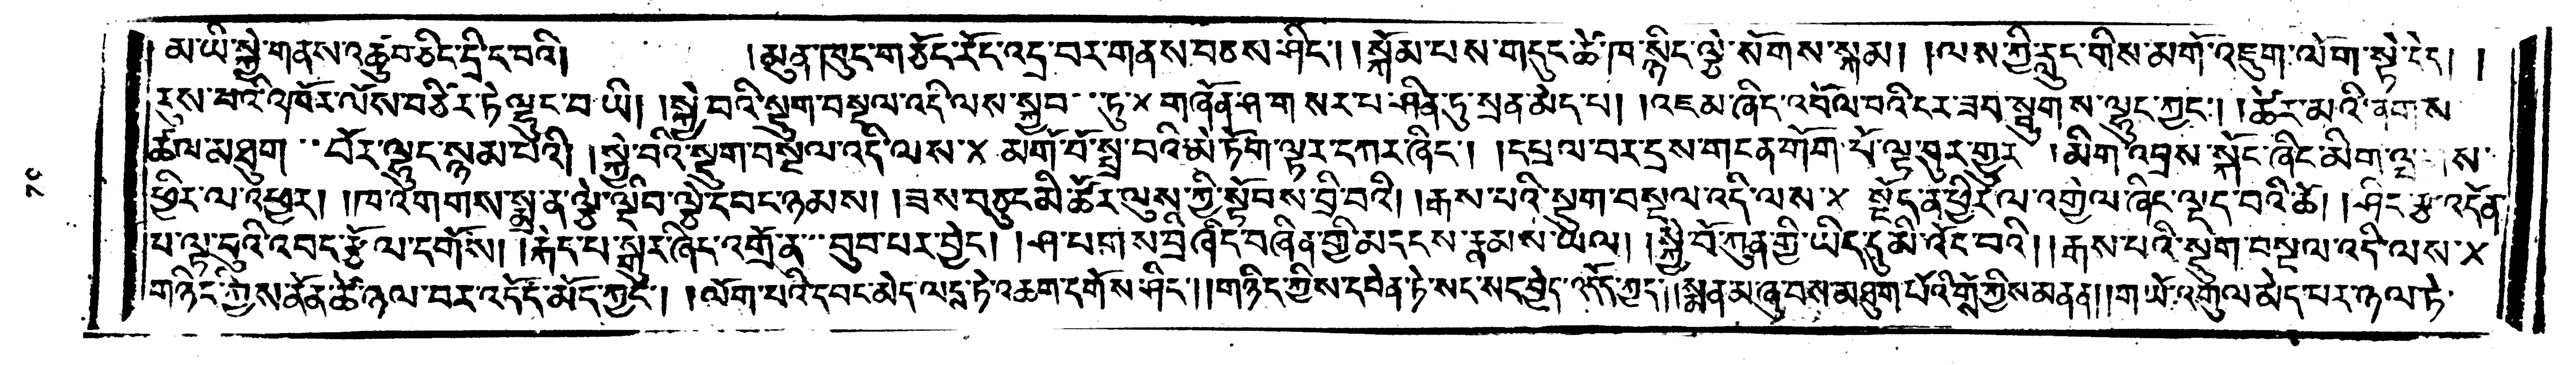མ་ཡི་སྐྱེ་གནས་འཚུབ་ཅིང་དྲི་ང་བའི། །མུན་ཁུང་གཅོད་རོང་འདྲ་བར་གནས་བཅས་ཤིང་། །སྐོམ་པས་གདུང་ཚེ་ཁ་སྙིང་ལྕེ་སོགས་སྐམ། །ལས་ཀྱི་རླུང་གིས་མགོ་འཇུག་ལོག་སྟེ་ངེད། །
རུས་པའི་འཁོར་ལོས་བཙིར་ཏེ་ལྷུང་བ་ཡི། །སྐྱེ་བའི་སྡུག་བསྔལ་འདི་ལས་སྐྱབ་ཏུ་྾་གཞོན་ཤ་གསར་པ་ཤིན་ཏུ་སྲན་མེད་པ། །འཇམ་ཞིང་འབོལ་བའི་དར་ཟབ་སྦུགས་ལྷུང་ཀྱང་། །ཚེར་མའི་ནགས་
ཚལ་མཐུག་བོར་ལྷུང་སྙམ་པའི། །སྐྱེ་བའི་སྡུག་བསྔལ་འདི་ལས་྾་མགོ་བོ་སྤྲ་བའི་མེ་ཏོག་ལྟར་དཀར་ཞིང་། །དཔྲལ་བར་དྲས་གང་ན་གོག་པོ་ལྟ་བུར་གྱུར་།མིག་འབྲས་སྐོང་ཞིང་མིག་ལྤགས་
ཕྱིར་ལ་འཕྱར། །ཁ་འགགས་སྨྲ་ན་ལྕེ་ལྡིབ་ལྕེ་དབང་ཉམས། །ཟས་བཅུང་མི་ཚོར་ལུས་ཀྱི་སྟོབས་བྲི་བའི། །རྒས་པའི་སྡུག་བསྔལ་འདི་ལས་྾་སྔོད་ན་ཕྱིར་ལ་འགྱེལ་ཞིང་ལྡད་བའི་ཚེ། །ཤིང་རྩ་འདོན་
པ་ལྟ་བུའི་འབད་རྩོལ་དགོས། །རྐེད་པ་སྒུར་ཞིང་འགྲོ་ན་བུབ་པར་བྱེད། །ཤ་པགས་བྲི་ཞིང་བཞིན་གྱི་མདངས་རྣམས་ཡེལ། །སྐྱེ་བོ་ཀུན་གྱི་ཡིད་དུ་མི་འོང་བའི། །རྒས་པའི་སྡུག་བསྔལ་འདི་ལས་྾་
གཉིད་ཀྱིས་ནོན་ཚེ་ཉལ་བར་འདོད་མོད་ཀྱང་། །ལོག་པའི་དབང་མེད་ལངས་ཏེ་འཆག་དགོས་ཤིང་། །གཉིད་ཀྱིས་དབེན་ཏེ་སང་སང་བྱེད་འདོད་ཀྱད། །སྨན་མ་ཞུ་བས་མཐུག་པོའི་གོས་ཀྱིས་མནན། །གཡོ་འགུལ་མེད་པར་ཉལ་ཏེ་